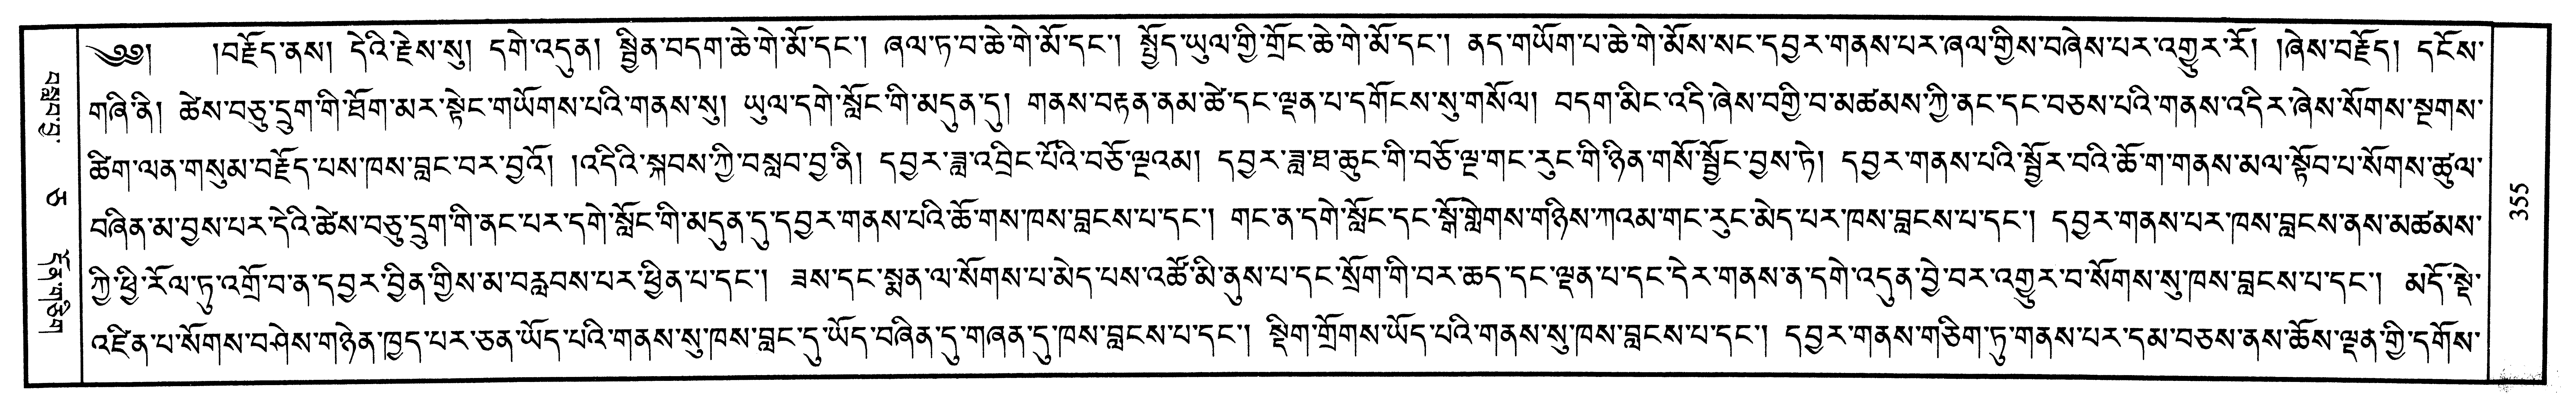༄༅། །བརྗོད་ནས། དེའི་རྗེས་སུ། དགེ་འདུན། སྦྱིན་བདག་ཆེ་གེ་མོ་དང་། ཞལ་ཏ་བ་ཆེ་གེ་མོ་དང་། སྤྱོད་ཡུལ་གྱི་གྲོང་ཆེ་གེ་མོ་དང་། ནད་གཡོག་པ་ཆེ་གེ་མོས་སང་དབྱར་གནས་པར་ཞལ་གྱིས་བཞེས་པར་འགྱུར་རོ། །ཞེས་བརྗོད། དངོས་
གཞི་ནི། ཚེས་བཅུ་དྲུག་གི་ཐོག་མར་སྟེང་གཡོགས་པའི་གནས་སུ། ཡུལ་དགེ་སློང་གི་མདུན་དུ། གནས་བརྟན་ནམ་ཚེ་དང་ལྡན་པ་དགོངས་སུ་གསོལ། བདག་མིང་འདི་ཞེས་བགྱི་བ་མཚམས་ཀྱི་ནང་དང་བཅས་པའི་གནས་འདིར་ཞེས་སོགས་སྔགས་
ཚིག་ལན་གསུམ་བརྗོད་པས་ཁས་བླང་བར་བྱའོ། །འདིའི་སྐབས་ཀྱི་བསླབ་བྱ་ནི། དབྱར་ཟླ་འབྲིང་པོའི་བཅོ་ལྔའམ། དབྱར་ཟླ་ཐ་ཆུང་གི་བཅོ་ལྔ་གང་རུང་གི་ཉིན་གསོ་སྦྱོང་བྱས་ཏེ། དབྱར་གནས་པའི་སྦྱོར་བའི་ཆོ་ག་གནས་མལ་སྟོབ་པ་སོགས་ཚུལ་
བཞིན་མ་བྱས་པར་དེའི་ཚེས་བཅུ་དྲུག་གི་ནང་པར་དགེ་སློང་གི་མདུན་དུ་དབྱར་གནས་པའི་ཆོ་གས་ཁས་བླངས་པ་དང་། གང་ན་དགེ་སློང་དང་སྒོ་གླེགས་གཉིས་ཀའམ་གང་རུང་མེད་པར་ཁས་བླངས་པ་དང་། དབྱར་གནས་པར་ཁས་བླངས་ནས་མཚམས་
ཀྱི་ཕྱི་རོལ་ཏུ་འགྲོ་བ་ན་དབྱར་བྱིན་གྱིས་མ་བརླབས་པར་ཕྱིན་པ་དང་། ཟས་དང་སྨན་ལ་སོགས་པ་མེད་པས་འཚོ་མི་ནུས་པ་དང་སྲོག་གི་བར་ཆད་དང་ལྡན་པ་དང་དེར་གནས་ན་དགེ་འདུན་བྱེ་བར་འགྱུར་བ་སོགས་སུ་ཁས་བླངས་པ་དང་། མདོ་སྡེ་
འཛིན་པ་སོགས་བཤེས་གཉེན་ཁྱད་པར་ཅན་ཡོད་པའི་གནས་སུ་ཁས་བླང་དུ་ཡོད་བཞིན་དུ་གཞན་དུ་ཁས་བླངས་པ་དང་། སྡིག་གྲོགས་ཡོད་པའི་གནས་སུ་ཁས་བླངས་པ་དང་། དབྱར་གནས་གཅིག་ཏུ་གནས་པར་དམ་བཅས་ནས་ཆོས་ལྡན་གྱི་དགོས་